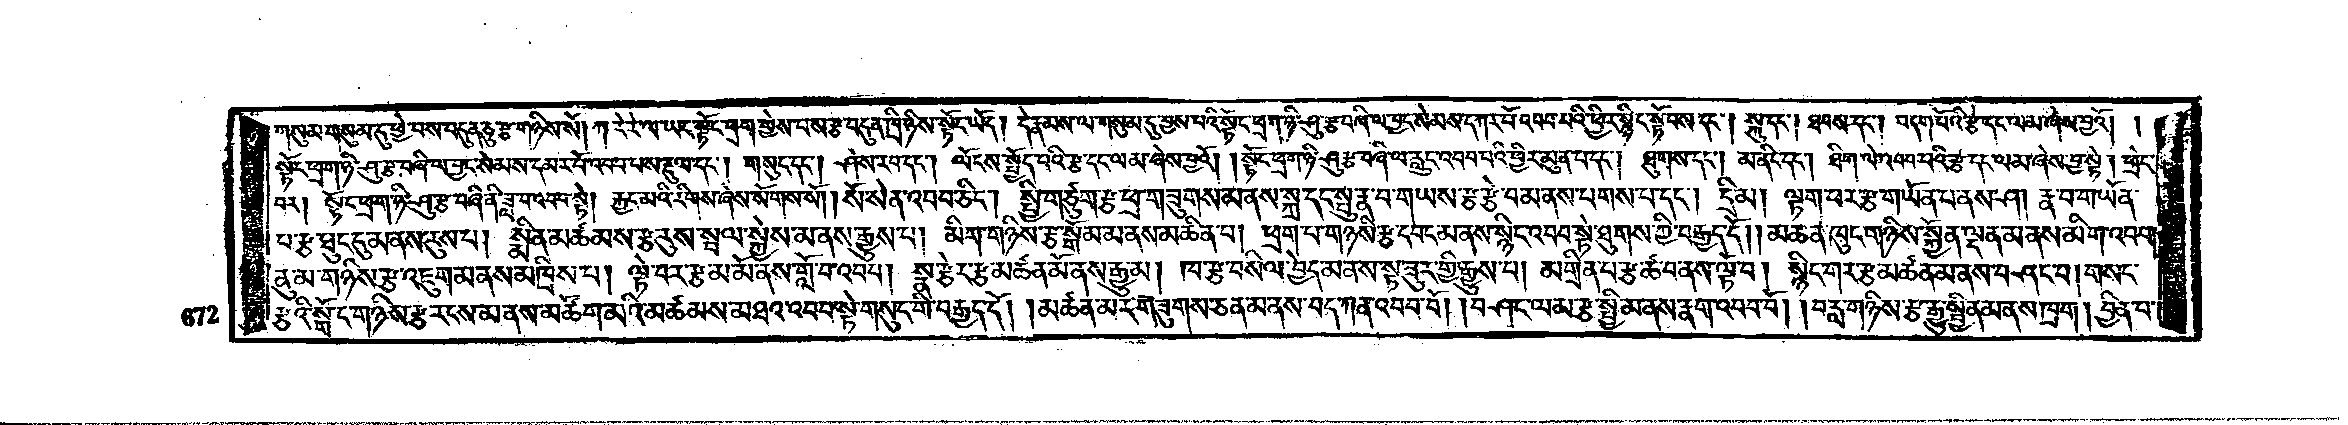གསུམ་གསུམ་དུ་ཕྱེ་བས་བདུན་ཅུ་རྩ་གཉིས་སོ། །རེ་རེ་ལ་ཡང་སྟོང་ཕྲག་གྱེས་པས་རྩ་བདུན་ཁྲི་ཉེས་སྟོང་ཡོད། དེ་རྣམས་ལ་གསུམ་དུ་བྱས་པའི་སྟོང་ཕྲག་ཉི་ཤུ་རྩ་བཞི་ལ་བྱང་སེམས་དཀར་པོ་འབབ་པའི་ཕྱིར་སྙིང་སྟོབས་དང་། སྐུ་དང་། ཐབས་དང་། བདག་པོའི་རྩ་དང་ལམ་ཞེས་བྱའོ། །
སྟོང་ཕྲག་ཉི་ཤུ་རྩ་བཞི་ལ་བྱང་སེམས་དམར་པོ་འབབ་པས་རྡུལ་དང་། གསུང་དང་། ཤེས་རབ་དང་། ལོངས་སྤྱོད་པའི་རྩ་དང་ལམ་ཞེས་བྱའོ། །སྟོང་ཕྲག་ཉི་ཤུ་རྩ་བཞི་ལ་རླུང་འབབ་པའི་ཕྱིར་མུན་པ་དང་། ཐུགས་དང་། མ་ནིང་དང་། ཐིག་ལེ་འབབ་པའི་རྩ་དང་ལམ་ཞེས་བྱ་སྟེ། ཕྲེང་
བར། སྟོང་ཕྲག་ཉི་ཤུ་རྩ་བཞི་ནི་ཟླ་བ་འབབ་སྟེ། རྒྱང་མའི་རིགས་ཞེས་སོགས་སོ། །སོ་སེན་འབབ་ཅིང་། སྤྱི་གཙུག་རྩ་ཕྲ་གཟུགས་མ་ནས་སྐྲ་དང་སྤུ་རྣ་བ་གཡས་རྩ་རྩེ་བ་མ་ནས་པགས་པ་དང་། དྲི་མ། ལྟག་པར་རྩ་གཡོན་པ་ནས་ཤ། རྣ་བ་གཡོན་
པ་རྩ་ཐུང་དུ་མ་ནས་རུས་པ། སྨོན་མཚམས་རྩ་རུས་སྤལ་སྐྱེས་མ་ནས་རྒྱུས་པ། མིག་གཉིས་རྩ་སྒོམ་མ་ནས་མཆིན་པ། ཕྲག་པ་གཉིས་རྩ་དབང་མ་ནས་སྙིང་འབབ་སྟེ་ཐུགས་ཀྱི་བརྒྱད་དོ། །མཚན་ཁུང་གཉིས་སྐྱོན་ལྡན་མ་ནས་མིག་འབབ།
ནུ་མ་གཉིས་རྩ་འཇུག་མ་ནས་མཁྲིས་པ། ལྟེ་བར་རྩ་མ་མེ་ནས་གློ་བ་འབབ། སྣ་རྩེར་རྩ་མཚན་མོ་ནས་རྒྱུ་མ། ཁ་རྩ་བསིལ་བྱེད་མ་ནས་སྟ་ཟུར་གྱི་རྒྱུས་པ། མགྲིན་པ་རྩ་ཚ་བ་ནས་ལྟོ་བ། སྙིང་གར་རྩ་མཚན་མ་ནས་བཤང་བ། གསང་
རྩའི་སྒོ་ང་གཉིས་རྩ་རངས་མ་ནས་མཚོག་མའི་མཚམས་མཐའ་འབབ་སྟེ་གསུང་གི་བརྒྱད་དོ། །མཚན་མར་གཟུགས་ཅན་མ་ནས་བད་ཀན་འབབ་བོ། །བཤང་ལམ་རྩ་སྤྱི་མ་ནས་རྣག་འབབ་བོ། །བརླ་གཉིས་རྩ་རྒྱུ་སྦྱིན་མ་ནས་ཁྲག །བྱིན་པ་